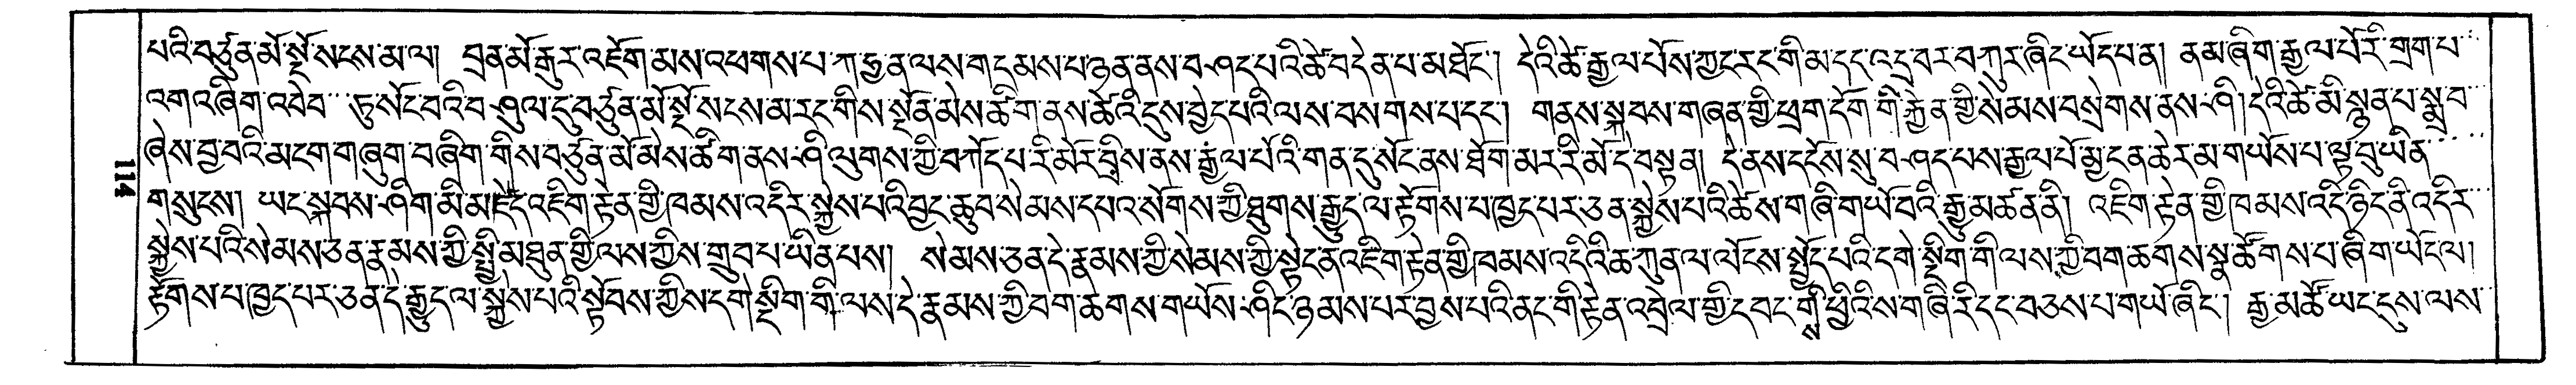པའི་བཙུན་མོ་སྔོ་སངས་མ་ལ། བྲན་མོ་རྒུར་འཇོག་མས་འཕགས་པ་ཀ་ཏྱ་ན་ལས་གདམས་པ་ཉན་ནས་བཤད་པའི་ཚེ་བདེན་པ་མཐོང་། དེའི་ཚེ་རྒྱལ་པོས་ཀྱང་རང་གི་མ་དང་འདྲ་བར་བ་ཀུར་ཞིང་ཡོད་པ་ན། ནམ་ཞིག་རྒྱལ་པོ་རི་བྲག་པ་
འགའ་ཞིག་འབེབ་ཏུ་སོང་བའི་བཤུལ་དུ་བཙུན་མོ་སྔོ་སངས་མ་རང་གིས་སྔོན་མེས་ཚིག་ནས་ཚེའི་དུས་བྱེད་པའི་ལས་བསགས་པ་དང་། གནས་སྐབས་གཞན་གྱི་ཕྲག་དོག་གི་རྐྱེན་གྱིས་མེས་བསྲེགས་ནས་ཤི། དེའི་ཚེ་མི་སྙན་པ་སྨྲ་བ་
ཞེས་བྱ་བའི་མངག་གཞུག་པ་ཞིག་གིས་བཙུན་མོ་མེས་ཚིག་ནས་ཤི་ལུགས་ཀྱི་བཀོད་པ་རི་མོར་བྲིས་ནས་རྒྱལ་པོའི་གན་དུ་སོང་ནས་ཐོག་མར་རི་མོ་དེ་བསྟན། དེ་ནས་དངོས་སུ་བཤད་པས་རྒྱལ་པོ་མྱ་ངན་ཆེར་མ་གཡོས་པ་ལྟ་བུ་ཡིན་
གསུངས། ཡང་སྐབས་ཤིག་མི་མཛེས་འཇིག་རྟེན་གྱི་ཁམས་འདིར་སྐྱེས་པའི་བྱང་ཆུབ་སེམས་དཔའ་སོགས་ཀྱི་ཐུགས་རྒྱུད་ལ་རྟོགས་པ་ཁྱད་པར་ཅན་སྐྱེས་པའི་ཚེས་གཞི་གཡོ་བའི་རྒྱུ་མཚན་ནི། འཇིག་རྟེན་གྱི་ཁམས་འདི་ཉིད་ནི་འདིར་
སྐྱེས་པའི་སེམས་ཅན་རྣམས་ཀྱི་སྤྱི་མཐུན་གྱི་ལས་ཀྱིས་གྲུབ་པ་ཡིན་པས། སེམས་ཅན་དེ་རྣམས་ཀྱི་སེམས་ཀྱི་སྟེང་ན་འཇིག་རྟེན་གྱི་ཁམས་འདིའི་ཆ་ཀུན་ལ་ལོངས་སྤྱོད་པའི་དགེ་སྡིག་གི་ལས་ཀྱི་བག་ཆགས་སྣ་ཚོགས་བ་ཞིག་ཡོད་ལ།
རྟོགས་པ་ཁྱད་པར་ཅན་དེ་རྒྱུད་ལ་སྐྱེས་པའི་སྟོབས་ཀྱིས་དགེ་སྡིག་གི་ལས་དེ་རྣམས་ཀྱི་བག་ཆགས་གཡོས་ཤིང་ཉམས་པར་བྱས་པའི་ནང་གི་རྟེན་འབྲེལ་གྱི་དབང་གིས་ཕྱིའི་ས་གཞི་རི་དང་བཅས་པ་གཡོ་ཞིང་། རྒྱ་མཚོ་ཡང་དུས་ལས་